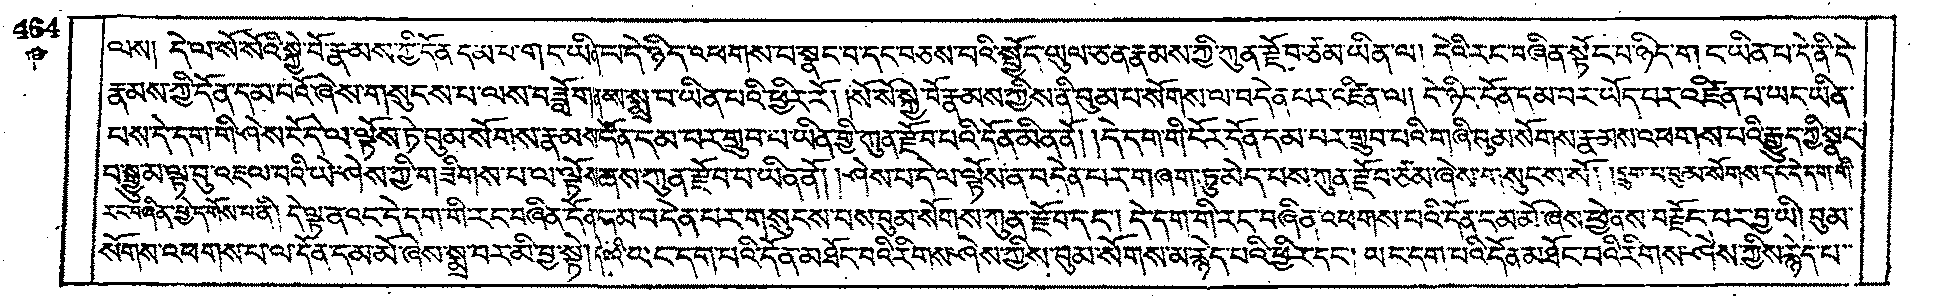ལས། དེ་ལ་སོ་སོའི་སྐྱེ་བོ་རྣམས་ཀྱི་དོན་དམ་པ་གང་ཡིན་པ་དེ་ཉིད་འཕགས་པ་སྣང་བ་དང་བཅས་པའི་སྤྱོད་ཡུལ་ཅན་རྣམས་ཀྱི་ཀུན་རྫོབ་ཙམ་ཡིན་ལ། དེའི་རང་བཞིན་སྟོང་པ་ཉིད་གང་ཡིན་པ་དེ་ནི་དེ་
རྣམས་ཀྱི་དོན་དམ་པའོ་ཞེས་གསུངས་པ་ལས་བཟློག་ནས་སྨྲ་བ་ཡིན་པའི་ཕྱིར་རོ། །སོ་སོ་སྐྱེ་བོ་རྣམས་ཀྱིས་ནི་བུམ་པ་སོགས་ལ་བདེན་པར་འཛིན་ལ། དེ་ཉིད་དོན་དམ་པར་ཡོད་པར་འཛིན་པ་ཡང་ཡིན་
པས་དེ་དག་གི་ཤེས་ངོ་དེ་ལ་ལྟོས་ཏེ་བུམ་སོགས་རྣམས་དོན་དམ་པར་གྲུབ་པ་ཡིན་གྱི་ཀུན་རྫོབ་པའི་དོན་མིན་ནོ། །དེ་དག་གི་ངོར་དོན་དམ་པར་གྲུབ་པའི་གཞི་བུམ་སོགས་རྣམས་འཕགས་པའི་རྒྱུད་ཀྱི་སྣང་
བ་སྒྱུ་མ་ལྟ་བུ་འཇལ་བའི་ཡེ་ཤེས་ཀྱི་གཟིགས་པ་ལ་ལྟོས་ནས་ཀུན་རྫོབ་པ་ཡིན་ནོ། །ཤེས་པ་དེ་ལ་ལྟོས་ན་བདེན་པར་གཞག་ཏུ་མེད་པས་ཀུན་རྫོབ་ཙམ་ཞེས་གསུངས་སོ། །དྲུག་པ་བུམ་སོགས་དང་དེ་དག་གི་
རང་བཞིན་ཕྱེ་དགོས་པ་ནི། དེ་ལྟ་ནའང་དེ་དག་གི་རང་བཞིན་དོན་དམ་བདེན་པར་གསུངས་པས་བུམ་སོགས་ཀུན་རྫོབ་དང་། དེ་དག་གི་རང་བཞིན་འཕགས་པའི་དོན་དམ་མོ་ཞེས་ཕྱེ་ནས་བརྗོད་པར་བྱ་ཡི། བུམ་
སོགས་འཕགས་པ་ལ་དོན་དམ་མོ་ཞེས་སྨྲ་བར་མི་བྱ་སྟེ། དེའི་ཡང་དག་པའི་དོན་མཐོང་བའི་རིགས་ཤེས་ཀྱིས་བུམ་སོགས་མ་རྙེད་པའི་ཕྱིར་དང་། ཡང་དག་པའི་དོན་མཐོང་བའི་རིགས་ཤེས་ཀྱིས་རྙེད་པ་